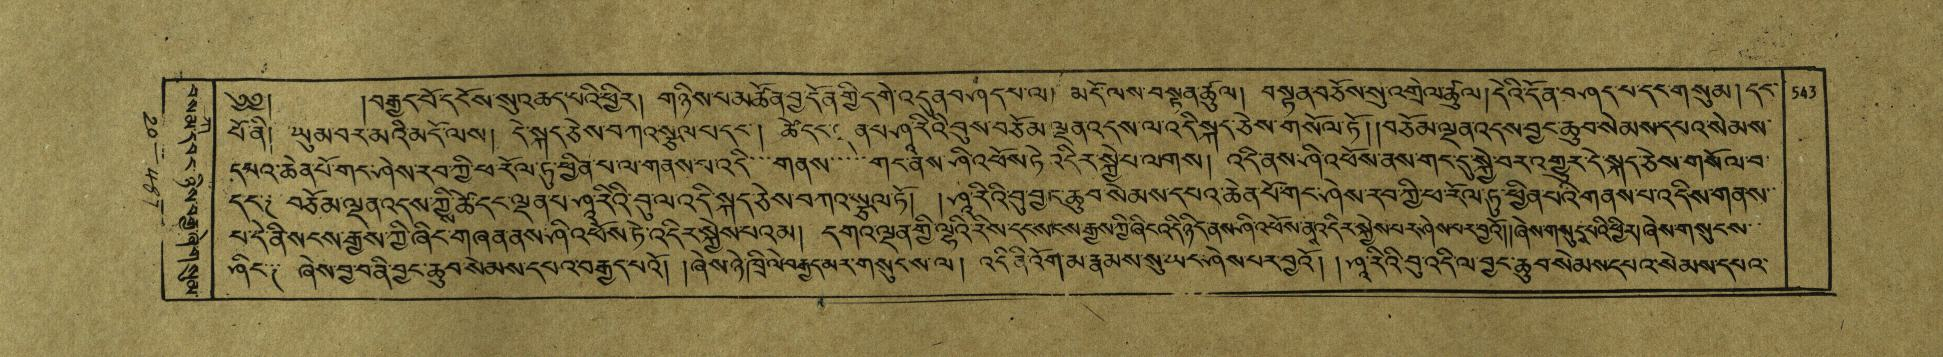༄༅། །བརྒྱང་པོ་དངོས་སུ་འཆད་པའི་ཕྱིར། གཉིས་པ་མཚོན་བྱ་དོན་གྱི་དགེ་འདུན་བཤད་པ་ལ། མདོ་ལས་བསྟན་ཚུལ། བསྟན་བཅོས་སུ་འགྲེལ་ཚུལ། དེའི་དོན་བཤད་པ་དང་གསུམ། དང་
པོ་ནི། ཡུམ་བར་མའི་མདོ་ལས། དེ་སྐད་ཅེས་བཀའ་སྩལ་པ་དང་། ཚེ་དང་ལྡན་པ་ཤཱ་རིའི་བུས་བཅོམ་ལྡན་འདས་ལ་འདི་སྐད་ཅེས་གསོལ་ཏོ། །བཅོམ་ལྡན་འདས་བྱང་ཆུབ་སེམས་དཔའ་སེམས་
དཔའ་ཆེན་པོ་གང་ཤེས་རབ་ཀྱི་ཕ་རོལ་ཏུ་ཕྱིན་པ་ལ་གནས་པ་འདི་གནས་གང་ནས་ཤི་འཕོས་ཏེ་འདིར་སྐྱེ་པ་ལགས། འདི་ནས་ཤི་འཕོས་ནས་གང་དུ་སྐྱེ་བར་འགྱུར་དེ་སྐད་ཅེས་གསོལ་བ་
དང༑ བཅོམ་ལྡན་འདས་ཀྱིས་ཚེ་དང་ལྡན་པ་ཤཱ་རིའི་བུ་ལ་འདི་སྐད་ཅེས་བཀའ་སྩལ་ཏོ། །ཤཱ་རིའི་བུ་བྱང་ཆུབ་སེམས་དཔའ་ཆེན་པོ་གང་ཤེས་རབ་ཀྱི་ཕ་རོལ་ཏུ་ཕྱིན་པའི་གནས་པ་འདིས་གནས་
པ་དེ་ནི་སངས་རྒྱས་ཀྱི་ཞིང་གཞན་ནས་ཤི་འཕོས་ཏེ་འདིར་སྐྱེས་པའམ། དགའ་ལྡན་གྱི་ལྷའི་རིས་དང་སངས་རྒྱས་ཀྱི་ཞིང་འདི་ཉིད་ནས་ཤི་འཕོས་ནས་འདིར་སྐྱེས་པར་ཤེས་པར་བྱའོ། །ཞེས་གསུངས་པའི་ཕྱིར། ཞེས་གསུངས་
ཤིང༑ ཞེས་བྱ་བ་ནི་བྱང་ཆུབ་སེམས་དཔའ་བརྒྱད་པའོ། །ཞེས་ཉེ་ཁྲི་ལེ་བརྒྱད་མར་གསུངས་ལ། འདི་ནི་འོག་མ་རྣམས་སུ་ཡང་ཤེས་པར་བྱའོ། །ཤཱ་རིའི་བུ་འདི་ལ་བྱང་ཆུབ་སེམས་དཔའ་སེམས་དཔའ་